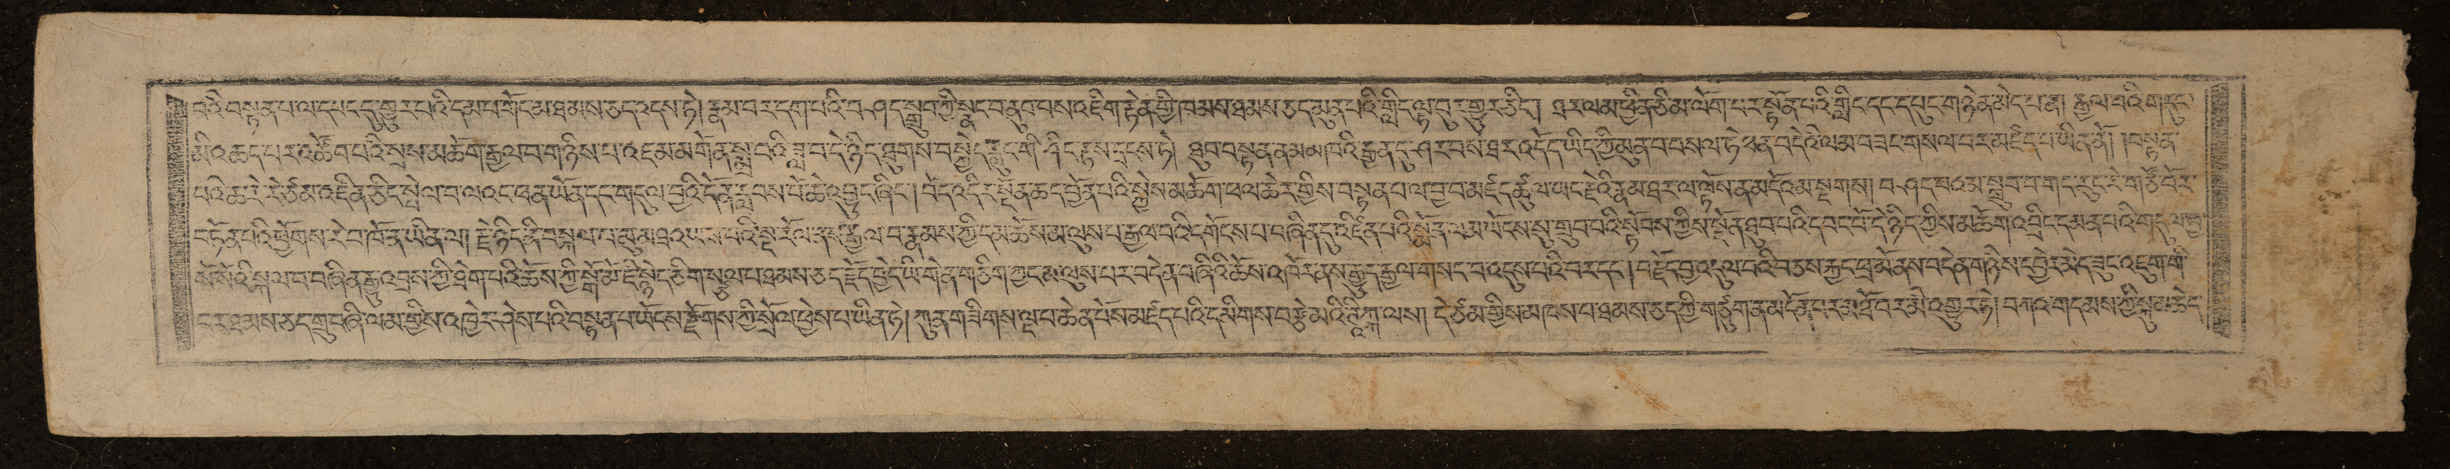བའི་བསྟན་པ་ལ་དབང་དུ་གྱུར་པའི་དམ་པ་གོང་མ་ཐམས་ཅད་འདས་ཏེ། རྣམ་པར་དག་པའི་བཤད་སྒྲུབ་ཀྱི་སྣང་བ་ནུབ་བས་འཇིག་རྟེན་གྱི་ཁམས་ཐམས་ཅད་མུན་པའི་གླིང་ལྟ་བུར་གྱུར་ཅིང་། ཐར་ལམ་ཕྱིན་ཅི་མ་ལོག་པར་སྟོན་པའི་གླིང་དང་དབུང་གཉེན་མེད་པ་ན། རྒྱལ་བའི་གདུང་
མི་འཆད་པར་འཚོབ་པའི་སྲས་མཆོག་རྒྱལ་བ་གཉེས་པ་འཇམ་མགོན་སྨྲ་བའི་ཟླ་བ་དེ་ཉིད་ཐུགས་བསྐྱེད་རླུང་གི་ཤིང་རྟས་དྲངས་ཏེ། ཐུབ་བསྟན་ནམ་མཁའི་རྒྱན་དུ་ཤར་བས་ཐར་འདོད་ཡིད་ཀྱི་མུན་པ་བསལ་ཏེ་ཕན་བདེའི་ལམ་བཟང་གསལ་བར་མཛད་བ་ཡིན་ནོ། །བསྟན་
པའི་ཆ་རེ་རེ་ཙམ་འཛིན་ཅིང་སྦེལ་བ་ལའང་ཕན་ཡོན་དང་གདུལ་བྱའི་དོན་བླ་བས་བོ་ཆེ་འབྱུང་ཞིང་། བོད་འདིར་སྔོན་ཆད་བྱོན་པའི་སྐྱེས་མཆོག་ཕལ་ཆེར་གྱིས་བསྟན་པ་ལ་བྱ་བ་མཛད་ཚུལ་ཡང་རྗེའི་རྣམ་ཐར་ལ་ལྟོས་ན་མདོའམ་སྔགས། བཤད་པའམ་སྒྲུབ་པ་གང་རུང་རེ་གཙོ་བོར་
བཏོན་པའི་ཕྱོགས་རེ་བ་ཁོ་ན་ཡིན་ལ། རྫ་ཉིད་ནི་བསྐལ་པ་མུ་མཐའ་ཡས་པའི་སྔ་རོལ་ནས་རྒྱལ་བ་རྣམས་ཀྱི་དམ་ཆོས་མ་ལུས་པ་རྒྱལ་བའི་དགོངས་པ་བཞིན་དུ་འཛིན་པའི་སྨོན་ལམ་ཡོངས་སུ་གྲུབ་པའི་སྟོབས་ཀྱིས་སྔོན་ཐུབ་པའི་དབང་པོ་དེ་ཉིད་ཀྱིས་མཆོག་འབྲིང་དམན་པའི་གདུལ་བྱ་
སོ་སོའི་སྐལ་བ་བཞིན་རྒྱུ་འབྲས་ཀྱི་ཐེག་པའི་ཆོས་ཀྱི་སྒོ་མོ་ཇི་སྙེད་ཅིག་སྩལ་བ་ཐམས་ཅད་རྗོད་བྱེད་ཡི་གེ་ན་གཅིག་ཀྱང་མ་ལུས་པར་བདེན་བཞིའི་ཆོས་འཁོར་ནས་རྒྱུད་རྒྱལ་གསང་པ་འདུས་བའི་བར་དང་། བརྗོད་བྱ་འདུལ་བའི་བཅས་རྐྱང་ཕྲ་མོ་ནས་བདེན་གཉིས་དབྱེར་མེད་ཟུང་འཇུག་གི་
བར་ཐམས་ཅད་གྲུ་བཞི་ལམ་གྱིས་འཁྱེར་ཤེས་པའི་བསྟན་པ་ཡོངས་རྫོགས་ཀྱི་སྲོལ་ཕྱེས་པ་ཡིན་ཏེ། ཀུན་གཟིགས་ལྔ་པ་ཆེན་པོས་མཛད་པའི་དམིགས་པ་རྩེ་མའི་ཊཱིཀྐ་ལས། དེ་ཙམ་གྱིས་མཁས་པ་ཐམས་ཅད་ཀྱི་གཙུག་ན་མངོན་པར་མཐོ་བར་མི་འགྱུར་ཏེ། བཀའ་གདམས་ཀྱི་སྐུ་མཆེད་